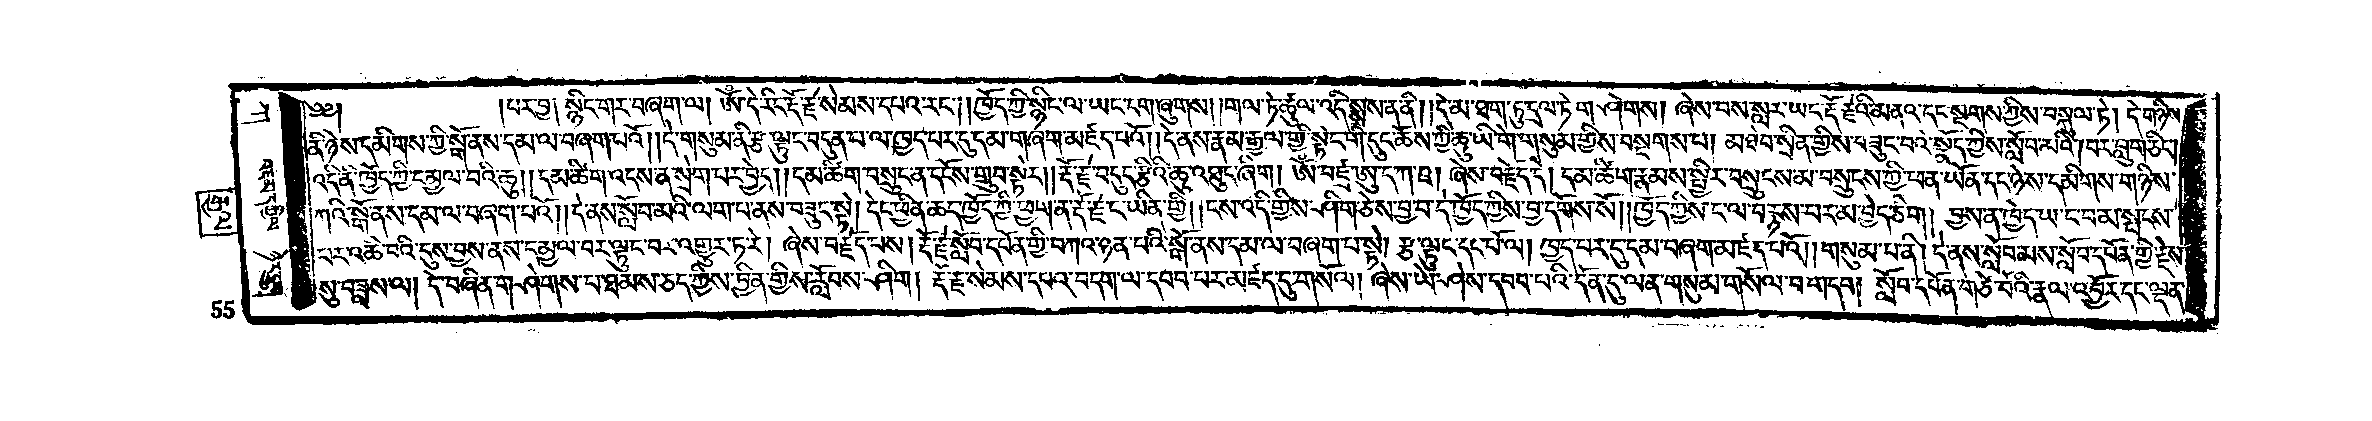༄༅། །པར་བྱ། སྙིང་གར་བཞག་ལ། ཨོཾ་དེ་རིང་རྡོ་རྗེ་སེམས་དཔའ་རང་། །ཁྱོད་ཀྱི་སྙིང་ལ་ཡང་དག་ཞུགས། །གལ་ཏེ་ཚུལ་འདི་སྨྲས་ན་ནི། །དེ་མ་ཐག་ཏུ་དྲལ་ཏེ་གཤེགས། ཞེས་པས་སླར་ཡང་རྡོ་རྗེའི་མནའ་དང་སྔགས་ཀྱིས་བསྐུལ་ཏེ། དེ་གཉིས་
ནི་ཉེས་དམིགས་ཀྱི་སྒོ་ནས་དམ་ལ་བཞག་པའོ། །དེ་གསུམ་ནི་རྩ་ལྟུང་བདུན་པ་ལ་ཁྱད་པར་དུ་དམ་གཞག་མཛད་པའོ། །དེ་ནས་རྣམ་རྒྱལ་གྱི་སྟེང་གི་དུང་ཆོས་ཀྱི་ཆུ་ཡི་གེ་གསུམ་གྱིས་བསྔགས་པ། མཐོབ་སྲིན་གྱིས་བཟུང་བའི་སྣོད་ཀྱིས་སློབ་མའི། བར་བླུག་ཅིང་།
འདི་ནི་ཁྱོད་ཀྱི་དམྱལ་བའི་ཆུ། །དམ་ཚིག་འདས་ན་སྲེག་པར་བྱེད། །དམ་ཚིག་བསྲུང་ན་དངོས་གྲུབ་སྟེར། །རྡོ་རྗེ་བདུད་རྩིའི་ཆུ་འཐུང་ཞིག །ཨོཾ་བྫྲ་ཨུ་ད་ཀ་ཊཿཨ། ཞེས་བརྗོད་དེ། དམ་ཚིག་རྣམས་སྤྱིར་བསྲུངས་མ་བསྲུངས་ཀྱི་ཕན་ཡོན་དང་ཉེས་དམིགས་གཉིས་
ཀའི་སྒོ་ནས་དམ་ལ་བཞག་པའོ། །དེ་ནས་སློབ་མའི་ལག་པ་ནས་བཟུང་སྟེ། དེང་ཕྱིན་ཆད་ཁྱོད་ཀྱི་ཕྱག་ན་རྡོ་རྗེ་ང་ཡིན་གྱི། །ངས་འདི་གྱིས་ཤིག་ཅེས་བྱ་བ་དེ་ཁྱོད་ཀྱིས་བྱ་དགོས་སོ། །ཁྱོད་ཀྱིས་ང་ལ་བརྙས་པར་མ་བྱེད་ཅིག །བྱས་ན་ཁྱེད་ཡ་ང་བ་མ་སྤངས་
པར་འཆི་བའི་དུས་བྱས་ནས་དམྱལ་བར་ལྟུང་བར་འགྱུར་ཏ་རེ། ཞེས་བརྗོད་པས། རྡོ་རྗེ་སློབ་དཔོན་གྱི་བཀའ་ཉན་པའི་སྒོ་ནས་དམ་ལ་བཞག་པ་སྟེ། རྩ་ལྟུང་དང་པོ་ལ། ཁྱད་པར་དུ་དམ་བཞག་མཛད་པའོ། །གསུམ་པ་ནི། དེ་ནས་སློབ་མས་སློབ་དཔོན་གྱི་རྗེས་
སུ་བཟླས་ལ། དེ་བཞིན་གཤེགས་པ་ཐམས་ཅད་ཀྱིས་བྱིན་གྱིས་རློབས་ཤིག །རྡོ་རྗེ་སེམས་དཔའ་བདག་ལ་དབབ་པར་མཛད་དུ་གསོལ། ཞེས་ཡེ་ཤེས་དབབ་པའི་དོན་དུ་ལན་གསུམ་གསོལ་བ་གདབ། སློབ་དཔོན་གཙོ་བོའི་རྣལ་འབྱོར་དང་ལྡན་